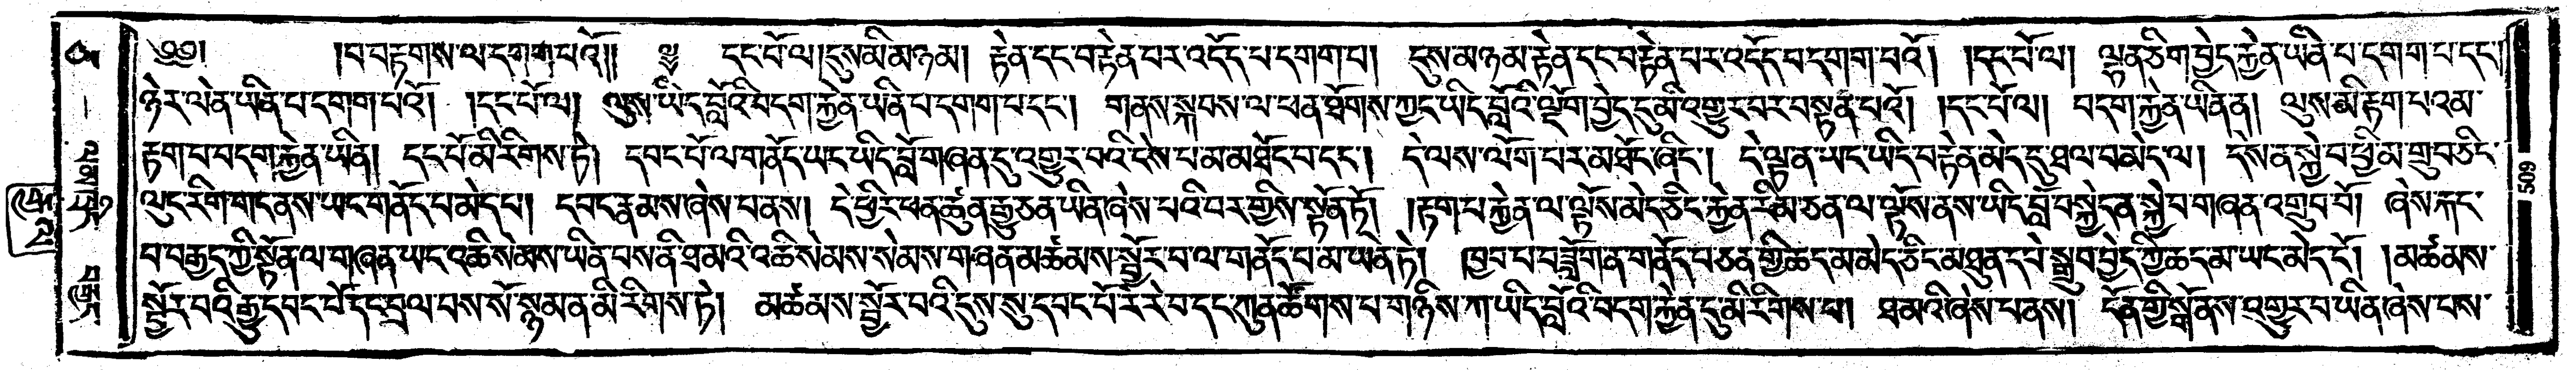༄༅། །བ་བརྟགས་ལ་དགག་པའོ།། ༈ དང་པོ་ལ། དུས་མི་མཉམ། རྟེན་དང་བརྟེན་པར་འདོད་པ་དགག་པ། དུས་མཉམ་རྟེན་དང་བརྟེན་པར་འདོད་པ་དགག་པའོ། །དང་པོ་ལ། ལྷན་ཅིག་བྱེད་རྐྱེན་ཡིན་པ་དགག་པ་དང་།
ཉེར་ལེན་ཡིན་པ་དགག་པའོ། །དང་པོ་ལ། ལུས་ཡིད་བློའི་བདག་རྐྱེན་ཡིན་པ་དགག་པ་དང་། གནས་སྐབས་ལ་ཕན་ཐོགས་ཀྱང་ཡིད་བློའི་ལྡོག་བྱེད་དུ་མི་འགྱུར་བར་བསྟན་པའོ། །དང་པོ་ལ། བདག་རྐྱེན་ཡིན་ན། ལུས་མི་རྟག་པའམ་
རྟག་པ་བདག་རྐྱེན་ཡིན། དང་པོ་མི་རིགས་ཏེ། དབང་པོ་ལ་གནོད་ཡང་ཡིད་བློ་གཞན་དུ་འགྱུར་བའི་ངེས་པ་མ་མཐོང་བ་དང་། དེ་ལས་ལོག་པར་མཐོང་ཞིང་། དེ་ལྟ་ན་ཡང་ཡིད་བརྟེན་མེད་དུ་ཐལ་བ་མེད་ལ། དེས་ན་སྐྱེ་བ་ཕྱི་མ་གྲུབ་ཅིང་
ལུང་རིག་གང་ནས་ཡང་གནོད་པ་མེད་པ། དབང་རྣམས་ཞེས་པ་ནས། དེ་ཕྱིར་ཕན་ཚུན་རྒྱུ་ཅན་ཡིན་ཞེས་པའི་བར་གྱིས་སྟོན་ཏོ། །རྟག་པ་རྐྱེན་ལ་ལྟོས་མེད་ཅིང་རྐྱེན་རིམ་ཅན་ལ་ལྟོས་ནས་ཡིད་བློ་བསྐྱེད་ན་སྐྱེ་བ་གཞན་འགྲུབ་པོ། ཞེས་རྐང་
པ་བརྒྱད་ཀྱི་སྟོན་ལ་གཞན་ཡང་འཆི་སེམས་ཡིན་པས་ནི་ཐ་མའི་འཆི་སེམས་སེམས་གཞན་མཚམས་སྦྱོར་བ་ལ་གནོད་པ་མ་ཡིན་ཏེ། ཁྱབ་པ་བཟློག་ན་གནོད་པ་ཅན་གྱི་ཆད་མ་མེད་ཅིང་མཐུན་དཔེ་སྒྲུབ་བྱེད་ཀྱི་ཆད་མ་ཡང་མེད་དོ། །མཚམས་
སྦྱོར་བའི་རྒྱུ་དབང་པོ་དང་བྲལ་པས་སོ་སྙམ་ན་མི་རིགས་ཏེ། མཚམས་སྦྱོར་བའི་དུས་སུ་དབང་པོ་རེ་རེ་བ་དང་ཀུན་ཚོགས་པ་གཉིས་ཀ་ཡིད་བློའི་བདག་རྐྱེན་དུ་མི་རིགས་པ། ཐ་མའི་ཞེས་པ་ནས། དོན་གྱི་སྒོ་ནས་འགྱུར་པ་ཡིན་ཞེས་པས་